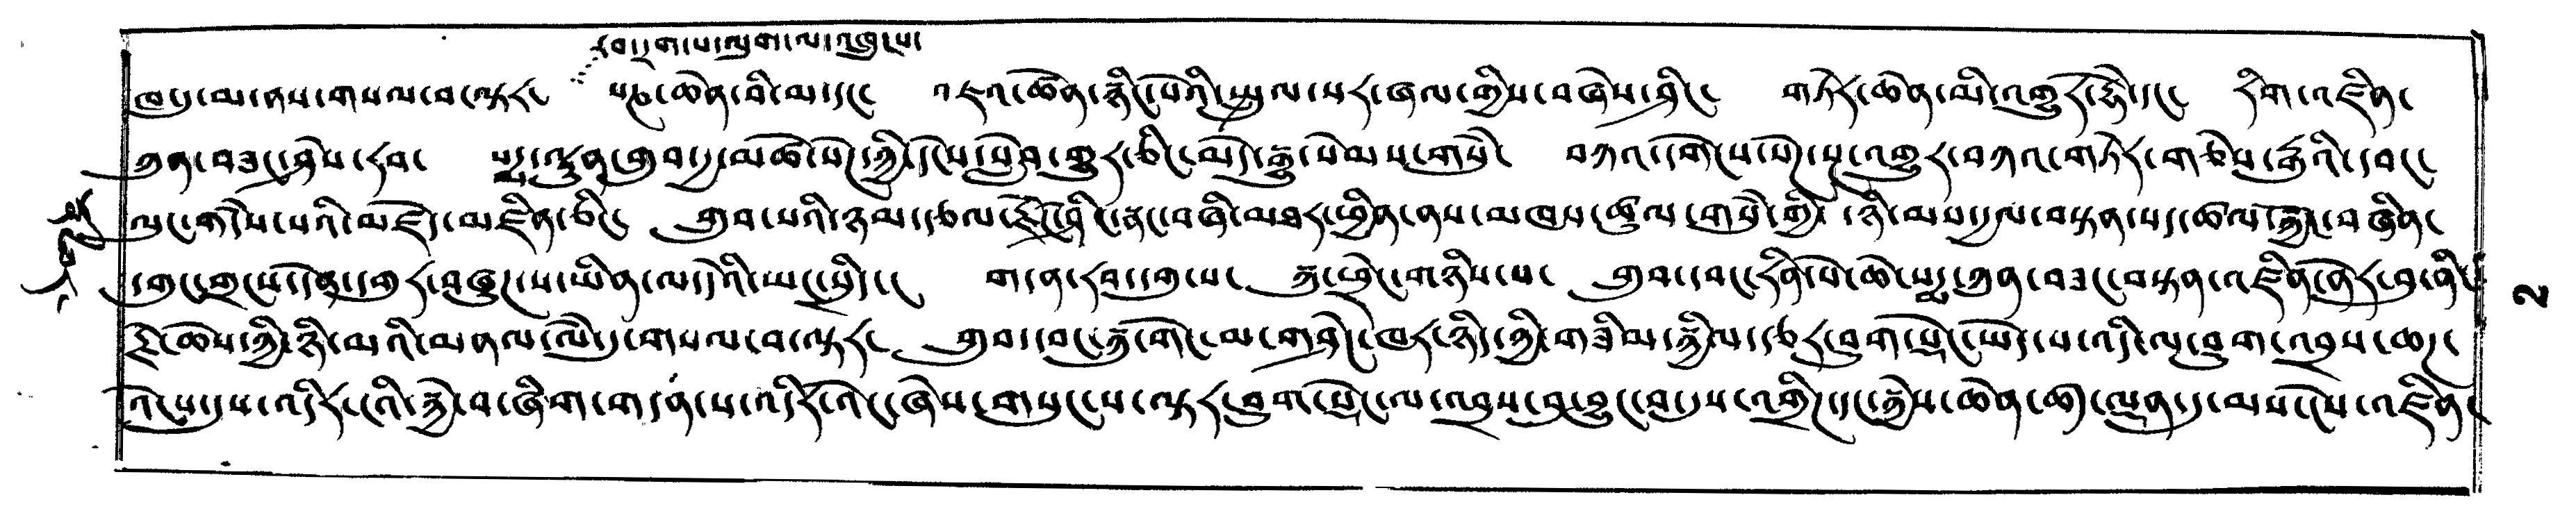ཁ་དུ་མ་ནས་གསལ་བ་ལྟར། རབ་དྲག་ས་ལུག་ལ་འཁྲུངས། པཎ་ཆེན་བཱི་མ་སལདང་། འཇའ་ཚོན་སྙིང་པོའི་སྤྲུལ་པར་ཞལ་གྱིས་བཞེས་ཤིང་། གཏེར་ཆེན་མི་འགྱུར་རྡོ་རྗེ་དང་། རིག་འཛིན་
ཀུན་བཟང་ཤེས་རབ། པདྨ་ལྷུན་གྲུབ་རྒྱ་མཚོ་སོགས་ཀྱི་དངོས་སློབ་ཏུ་གྱུར་ཅིང་མདོ་སྒྱུ་སེམས་གསུམ། བཀའ་དགོངས་སོགས་སྔ་འགྱུར་བཀའ་གཏེར་གཅེས་རྒུའི་དབང་
ལུང་གདམས་པའི་མཛོད་མཛིན་ཅིང་། གྲུབ་པའི་ཉམས་རྩལ་རྫོགས་ཤིང་སྣང་བཞི་མཐར་ཕྱིན་ནས་མཁས་ཚུལ་གསུམ་གྱི་ཉི་མས་རྒྱལ་བསྟན་པད་ཚལ་སྐྱོང་བཞིན་
དགུང་གྲངས་དོན་དགུར་བཞུགས་པ་ཡིན་ལ། དེའི་ཡང་སྲིད་གདན་རབས་དགུ་པ། སྐུ་ཕྲེང་གཉིས་པ། ༧གྲུབ་དབང་རིན་པོ་ཆེ་༧པདྨ་ཀུན་བཟང་བསྟན་འཇིན་ནོར་བུ་ནི་
རྗེ་ཆོས་ཀྱི་ཉི་མའི་མནལ་ལམ་དུ་གསལ་བ་ལྟར། གྲུབ་དབང་སྐུ་གོང་མ་གཤེགས་ཁར་ཉིད་ཀྱི་གཟིམ་སྤྱིལ་རྩར་ཤུག་སྡོང་ཡོད་པ་འདི་ལ་ཤུག་འབྲས་ཆགས་
འོང་དུས་འདིར་ངའི་སྐྱེ་བ་ཞིག་གདན་ས་འདིར་འོང་ཞེས་གསུངས་པ་ལྟར་ཤུག་སྡོང་ལ་འབྲས་བུ་བྱུང་བ་དུས་འགྲིགས་དང་སྐྱེས་ཆེན་ཚད་ལྡན་དུ་མས་ངོས་འཛིན་